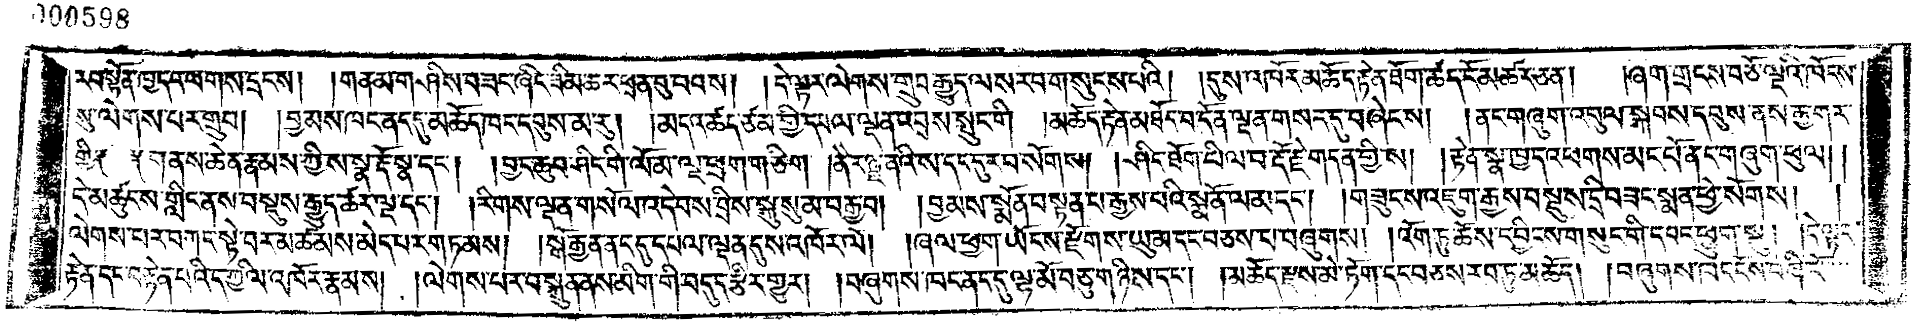རབ་སྟོན་ཁྱད་འཕགས་དྲངས། །གནམ་གཤིས་བཟང་ཞིང་ཟིམ་ཆར་ཕྲན་བུ་བབས། །དེ་ལྟར་ལེགས་གྲུབ་རྒྱུད་ལས་རབ་གསུངས་པའི། །དུས་འཁོར་མཆོད་རྟེན་ཐོག་ཚད་ངོ་མཚར་ཅན། །ཞག་གྲངས་བཅོ་ལྔའི་ཁོངས་
སུ་ལེགས་པར་གྲུབ། །བྱམས་ཁང་ནང་དུ་མཆོད་ཁང་དབུས་མ་རུ། །མདའ་ཚད་ཙམ་གྱི་དཔལ་ལྡན་འབྲས་སྤུང་གི །མཆོད་རྟེན་མཐོང་བ་དོན་ལྡན་གསར་དུ་བཞེངས། །ནང་གཞུག་འབུལ་སྐབས་དབུས་ནས་རྒྱ་གར་
གྱི༑ ༑གནས་ཆེན་རྣམས་ཀྱི་ས་སྣ་རྡོ་སྣ་དང་། །བྱང་ཆུབ་ཤིང་གི་ལོ་མ་ལྔ་ཕྲག་གཅིག །ནཻ་རཉྫ་ནའི་ས་དང་དུར་བ་སོགས། །ཤིང་ཐོག་པིལ་བ་རྡོ་རྗེ་གདན་གྱི་ས། །རྟེན་སྣ་ཁྱད་འཕགས་མང་པོ་ནང་གཞུག་ཕུལ། །
དེ་མཚུངས་གླིང་ནས་བསྡུས་རྒྱུད་ཚར་ལྔ་དང་། །རིགས་ལྡན་གསོལ་འདེབས་བྲིས་སྐུ་སུམ་བརྒྱ་བ། །བྱམས་སྨོན་བསྟན་པ་རྒྱས་པའི་སྨོན་ལམ་དང་། །གཟུངས་འཇུག་རྒྱས་བསྡུས་དྲི་བཟང་སྨན་ཕྱེ་སོགས། །
ལེགས་པར་བཀང་སྟེ་བར་མཚམས་མེད་པར་གཏམས། །སྒོ་རྒྱན་ནང་དུ་དཔལ་ལྡན་དུས་འཁོར་ལོ། །ཞལ་ཕྱག་ཡོངས་རྫོགས་ཡུམ་དང་བཅས་པ་བཞུགས། །འོག་ཏུ་ཆོས་དབྱིངས་གསུང་གི་དབང་ཕྱུག་སྐུ། །དེ་ལྟར་
རྟེན་དང་བརྟེན་པའི་དཀྱིལ་འཁོར་རྣམས། །ལེགས་པར་བསྐྲུན་ནས་མིག་གི་བདུད་རྩིར་གྱུར། །བཞུགས་ཁང་ནང་དུ་ལྷ་མོ་བཅུ་གཉིས་དང་། །མཆོད་རྫས་མེ་ཏོག་དང་བཅས་རབ་ཏུ་མཆོད། །བཞུགས་ཁང་ངོས་བཞི་ངོ་